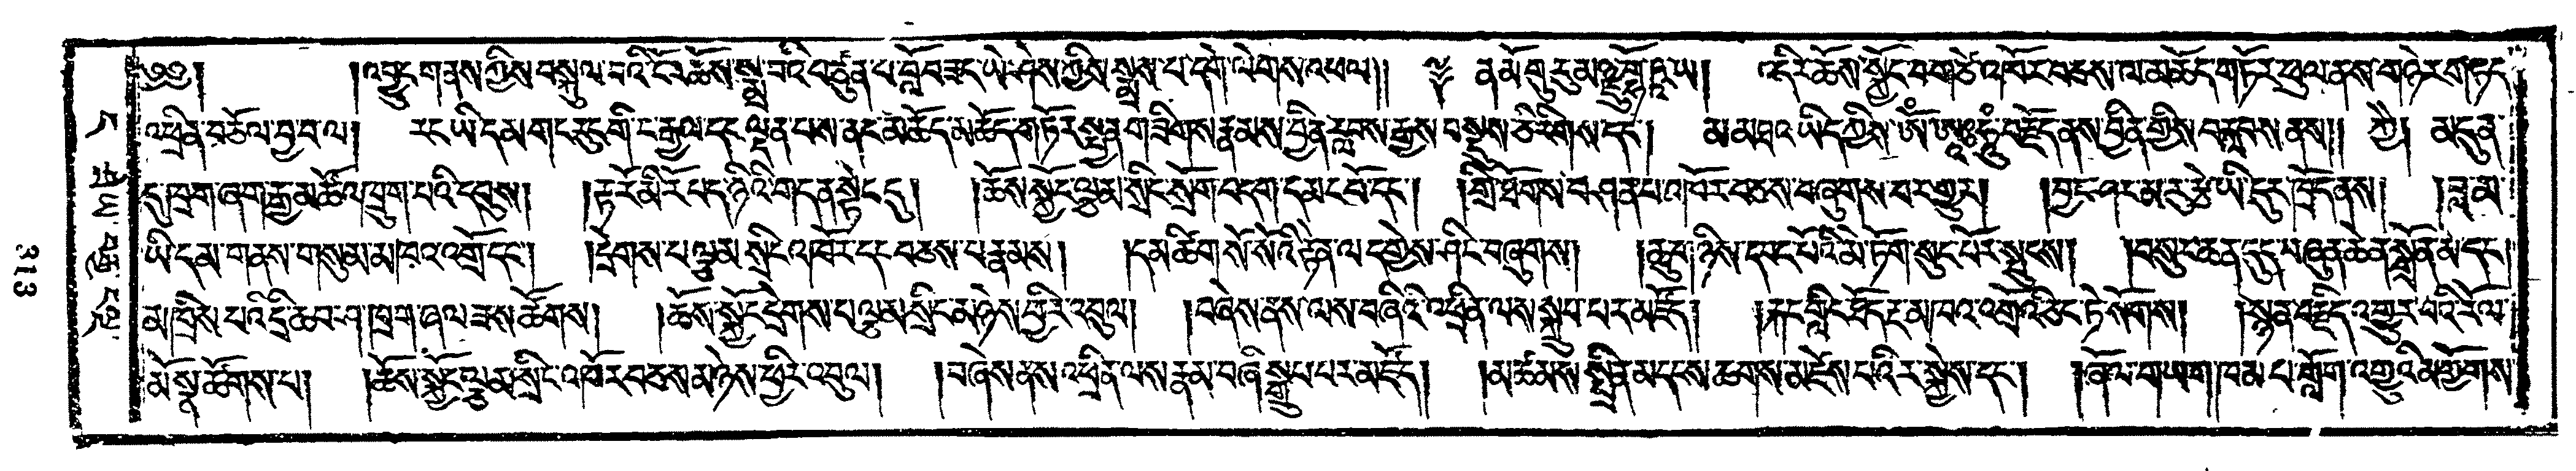༄༅། །འབྱུང་གནས་ཀྱིས་བསྐུལ་བའི་ངོར་ཆོས་སྨྲ་བའི་བཙུན་པ་བློ་བཟང་ཡེ་ཤེས་ཀྱིས་སྨྲས་པ་དགེ་ལེགས་འཕལ།། ༈ ན་མོ་གུ་རུ་མཉྫུ་གྷོ་ཥཱ་ཡ། འདིར་ཆོས་སྐྱོང་བ་གཙེ་འཁོར་བཅས་ལ་མཆོད་གཏོར་ཕུལ་ནས་གཉེར་གཏད་
འཕྲིན་བཅོལ་བྱ་བ་ལ། རང་ཡི་དམ་གང་རུང་གི་ང་རྒྱལ་དང་ལྡན་པས་ནང་མཆོད་མཆོད་གཏོར་སྤྱན་གཟིགས་རྣམས་བྱིན་རླབས་རྒྱས་བསྡུས་ཅི་རིགས་དང་། མ་མཐའ་ཡིད་ཀྱིས་ཨོཾ་ཨཱཿ ཧཱུཾ་བརྗོད་ནས་བྱིན་གྱིས་བརླབས་ནས།། ཀྱཻ། མདུན་
དུ་ཁྲག་ཞག་རྒྱ་མཚོ་འཁྲུག་པའི་དབུས། །རྟ་རོ་མི་རོ་པད་ཉིའི་གདན་སྟེང་དུ། །ཆོས་སྐྱོང་ལྕམ་སྲིང་སྲོག་བདག་དམང་པོ་དང་། །གྲི་ཐོགས་བཤན་པ་འཁོར་བཅས་བཞུགས་བར་གྱུར། །བྱང་ཤར་མ་རུ་རྩེ་ཡི་དུར་ཁྲོད་ནས། །བླ་མ་
ཡི་དམ་གནས་གསུམ་མཁའ་འགྲོ་དང་། །དྲེགས་པ་ལྕམ་སྲིང་འཁོར་དང་བཅས་པ་རྣམས། །དམ་ཚིག་སོ་སོའི་རྟེན་ལ་དགྱེས་ཤིང་བཞུགས། །ཆུ་གཉིས་དབང་པོའི་མེ་ཏོག་སུང་པོར་སྤུངས། །བསུང་ཆན་དུད་བ་ཞུན་ཆེན་སྒྲོན་མེ་དང་།
མཁྲིས་པའི་དྲི་ཆབ་ཤ་ཁྲག་ཞལ་ཟས་ཚོགས། །ཆོས་སྐྱོང་དྲེགས་པ་ལྕམ་སྲིང་མཉེས་ཕྱིར་འབུལ། །བཞེས་ནས་ལས་བཞིའི་འཕྲིན་ལས་སྐྲུབ་པར་མཛོད། །རྐང་གླིང་ཐོད་རྔ་མཁའ་འགྲོའི་ཅིང་ཏེ་སོགས། །སྙན་བརྗིད་འགྱུར་བའི་རོལ་
མོ་སྣ་ཚོགས་པ། །ཆོས་སྐྱོང་ལྕམ་སྲིང་འཁོར་བཅས་མཉེས་ཕྱིར་འབུལ། །བཞེས་ནས་འཕྲིན་ལས་རྣམ་བཞི་སྒྲུབ་པར་མཛོད། །མཚམས་སྤྲིན་མདངས་ཆགས་མཛེས་པའི་ར་སྐྱེས་དང་། །ཞོལ་གཡག་ཁམ་པ་གློག་འགྱུའི་མགྱོགས་